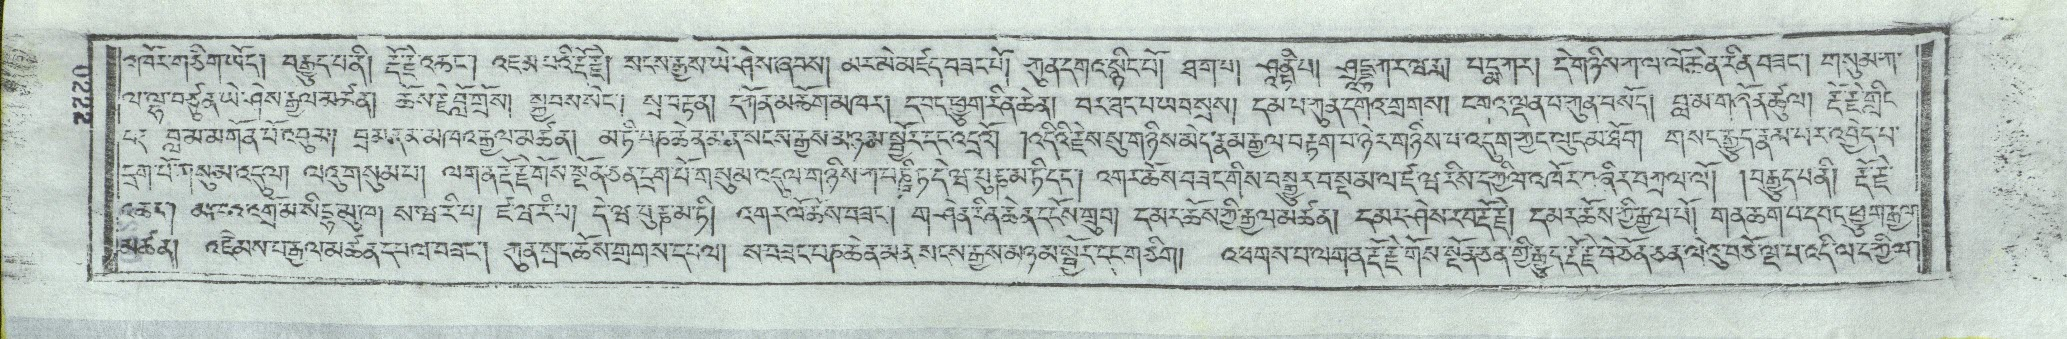འཁོར་གཅིག་ཡོད། བརྒྱུད་པ་ནི། རྡོ་རྗེ་འཆང་། འཇམ་པའི་རྡོ་རྗེ། སངས་རྒྱས་ཡེ་ཤེས་ཞབས། མར་མེ་མཛད་བཟང་པོ། ཀུན་དགའ་སྙིང་པོ། ཐ་ག་པ། ཤཱནྟི་པ། ཤྲཱངྣྷ་ཀ་ར་ཝརྨ། པདམ་ཀར། དེ་གཉིས་ཀ་ལ་ལོ་ཆེན་རིན་བཟང་། གསུམ་ཀ་
ལ་ལྷ་བཙུན་ཡེ་ཤེས་རྒྱལ་མཚན། ཆོས་རྗེ་བློ་གྲོས། སྐྱབས་སེང་། སྲ་བརྟན། དཀོན་མཆོག་མཁར། དབང་ཕྱུག་རིན་ཆེན། བར་ཐང་པ་ཡབ་སྲས། དམ་པ་ཀུན་དགའི་གྲགས། དགའ་ལྡན་པ་ཀུན་བསོད། བླ་མ་གཞོན་ཚུལ། རྡོ་རྗེ་གླིང་
པ༑ བླ་མ་མགོན་པོ་འབུམ། བྲམ་ནམ་མཁའ་རྒྱལ་མཚན། མ་ཏི་པཎ་ཆེན་མན་སངས་རྒྱས་མཉམ་སྦྱོར་དང་འདྲའོ། །འདིའི་རྗེས་སུ་གཉིས་མེད་རྣམ་རྒྱལ་བ་རྟག་པ་ཉེར་གཉིས་པ་འདུག་ཀྱང་ལུང་མ་ཐོབ། གསང་རྒྱུད་རྣམ་པར་འབྱེད་པ་
དྲག་པོ་གསུམ་འདུལ། ལེའུ་གསུམ་པ། ལག་ན་རྡོ་རྗེ་གོས་སྔོན་ཅན་དྲག་པོ་གསུམ་འདུལ་གཉིས་ཀ་པཎྜི་ཏ་དེ་ཝ་པུ་རཎམ་ཏི་དང་། འགར་ཆོས་བཟང་གིས་བསྒྱུར་བསྔ་མ་ལ་ཛ་ཝ་རིས་དཀྱིལ་འཁོར་བཞིར་བཀྲལ་ལོ། །བརྒྱུད་པ་ནི། རྡོ་རྗེ་
འཆང་། མཁའ་འགྲོ་མ་སིདྷ་མུ་ཁ། ས་ཝ་རི་པ། ཛ་ཝ་རི་པ། དེ་ཝ་པུ་རཎམ་ཏི། འགར་ལོ་ཆོས་བཟང་། གཤེན་རིན་ཆེན་དངོས་གྲུབ། དམར་ཆོས་ཀྱི་རྒྱལ་མཚན། དམར་ཤེས་རབ་རྡོ་རྗེ། དམར་ཆོས་ཀྱི་རྒྱལ་པོ། གན་ཆག་པ་དབང་ཕྱུག་རྒྱལ་
མཚན། འཛེམས་པ་རྒྱལ་མཚན་དཔལ་བཟང་། ཀུན་སྤང་ཆོས་གྲགས་དཔལ། ས་བཟང་པཎ་ཆེན་མན་སངས་རྒྱས་མཉམ་སྦྱོར་དང་གཅིག། འཕགས་པ་ལག་ན་རྡོ་རྗེ་གོས་སྔོན་ཅན་གྱི་རྒྱུད་རྡོ་རྗེ་བཙོན་ཅན་ལེའུ་བཅོ་ལྔ་པ་འདི་ལ་དཀྱིལ་